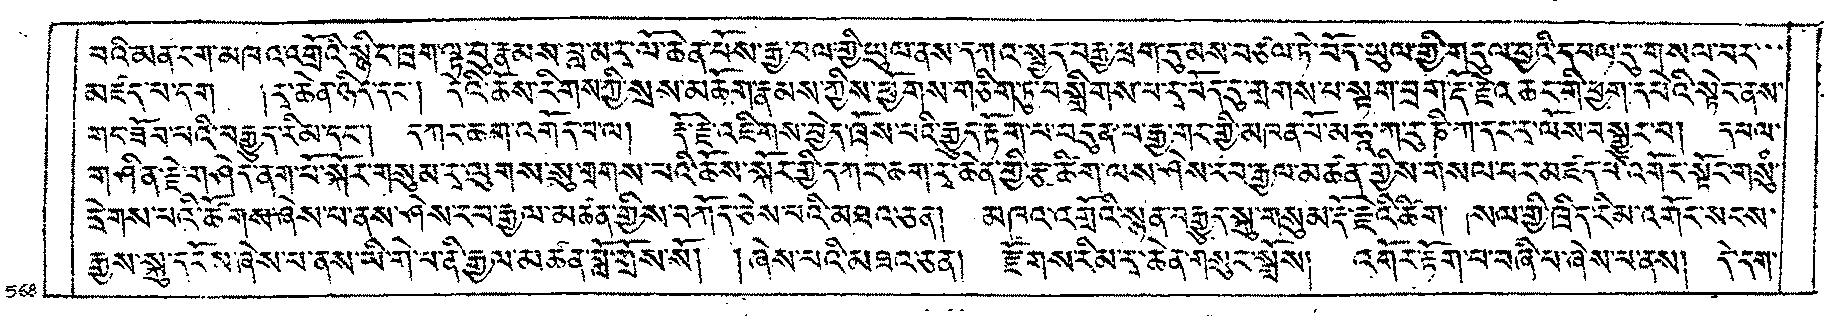བའི་མན་ངག་མཁའ་འགྲོའི་སྙིང་ཁྲག་ལྟ་བུ་རྣམས་བླ་མ་རྭ་ལོ་ཆེན་པོས་རྒྱ་བལ་གྱི་ཡུལ་ནས་དཀའ་སྤྱད་བརྒྱ་ཕྲག་དུ་མས་བཙལ་ཏེ་བོད་ཡུལ་གྱི་གདུལ་བྱའི་དཔལ་དུ་གསལ་བར་
མཛད་པ་དག །རྭ་ཆེན་ཉིད་དང་། དེའི་ཆོས་རིགས་ཀྱི་སྲས་མཆོག་རྣམས་ཀྱིས་ཕྱོགས་གཅིག་ཏུ་བསྒྲིགས་པ་རྭ་པོད་དུ་གྲགས་པ་སྟག་བྲག་རྡོ་རྗེ་འཆང་གི་ཕྱག་དཔེའི་སྟེང་ནས་
གང་ཐོབ་པའི་བརྒྱུད་རིམ་དང་། དཀར་ཆག་འགོད་པ་ལ། རྡོ་རྗེ་འཇིགས་བྱེད་ཁྲོས་པའི་རྒྱུད་རྟོག་པ་བདུན་པ་རྒྱ་གར་གྱི་མཁན་པོ་མཧཱ་ཀ་རུ་ཎི་ཀ་དང་རྭ་ལོས་བསྒྱུར་བ། དཔལ་
གཤིན་རྗེ་གཤེད་ནག་པོ་སྐོར་གསུམ་རྭ་ལུགས་སུ་གྲགས་པའི་ཆོས་སྐོར་གྱི་དཀར་ཆག་རྭ་ཆེན་གྱི་རྩ་ཚིག་ལས་ཤེས་རབ་རྒྱལ་མཚན་གྱིས་གསལ་བར་མཛད་པ་འགོར་སྟོང་གསུམ་
དྲེགས་པའི་ཚོགས་ཞེས་པ་ནས་ཤེས་རབ་རྒྱལ་མཚན་གྱིས་བཀོད་ཅེས་པའི་མཐའ་ཅན། མཁའ་འགྲོའི་སྙན་བརྒྱུད་སྐུ་གསུམ་རྡོ་རྗེའི་ཚིག །སལ་གྱི་ཁྲིད་རིམ་འགོར་སངས་
རྒྱས་སྐུ་དངོས་ཞེས་པ་ནས་ཡི་གེ་པ་ནི་རྒྱལ་མཚན་བློ་གྲོས་སོ། །ཞེས་པའི་མཐའ་ཅན། རྫོགས་རིམ་རྭ་ཆེན་གསུང་སྒྲོས། འགོར་རྟོག་པ་བཞི་པ་ཞེས་པ་ནས། དེ་དག་